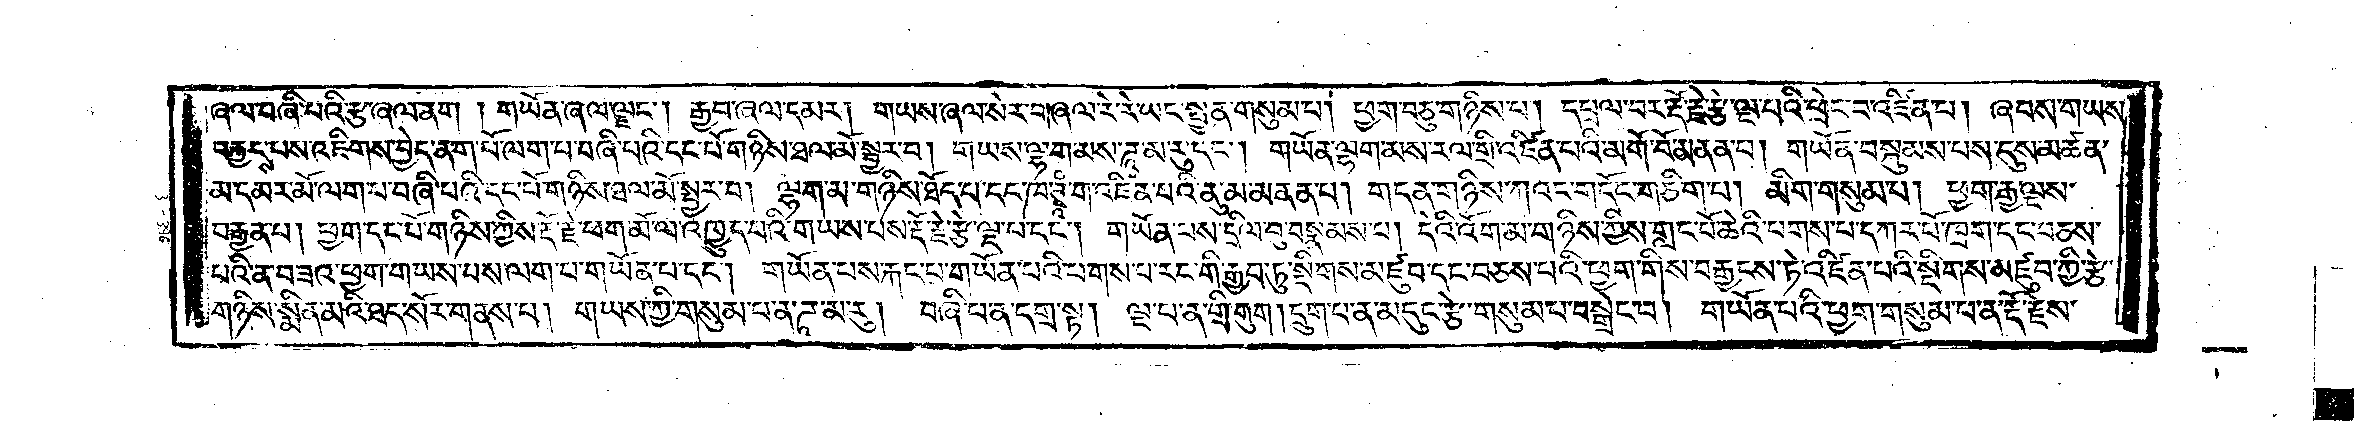ཞལ་བཞི་བའི་རྩ་ཞལ་ནག །གཡོན་ཞལ་ལྗང་། རྒྱབ་ཞལ་དམར། གཡས་ཞལ་སེར་བ། ཞལ་རེ་རེ་ཡང་སྤྱན་གསུམ་པ། ཕྱག་བཅུ་གཉིས་པ། དཔྲལ་པར་རྡོ་རྗེ་རྩེ་ལྔ་པའི་ཕྲེང་བ་འཛིན་པ། ཞབས་གཡས་
བརྐྱངས་པས་འཇིགས་བྱེད་ནག་པོ་ལག་པ་བཞི་པའི་དང་པོ་གཉིས་ཐལ་མོ་སྦྱར་བ། གཡས་ལྷག་མས་ཌཱ་མ་རུ་དང་། གཡོན་ལྷག་མས་རལ་གྲི་འཛིན་པའི་མགོ་བོ་མནན་པ། གཡོན་བསྐུམས་པས་དུས་མཚན་
མ་དམར་མོ་ལག་པ་བཞི་པའི་དང་པོ་གཉིས་ཐལ་མོ་སྦྱར་བ། ལྷག་མ་གཉིས་ཐོད་པ་དང་ཁ་ཊྭཱཾ་ག་འཛིན་བའི་ནུ་མ་མནན་པ། གདན་གཉིས་ཀའང་གདོང་གཅིག་པ། མིག་གསུམ་པ། ཕྱག་རྒྱ་ལྔས་
བརྒྱན་པ། ཕྱག་དང་པོ་གཉིས་ཀྱིས་རྡོ་རྗེ་ཕག་མོ་ལ་འཁྱུད་པའི་གཡས་པས་རྡོ་རྗེ་རྩེ་ལྔ་པ་དང་། གཡོན་པས་དྲིལ་བུ་བསྣམས་པ། དེའི་འོག་མ་གཉིས་ཀྱིས་གླང་པོ་ཆེའི་པགས་པ་དཀར་པོ་ཁྲག་དང་བཅས་
པའི་ན་བཟའ་ཕྱག་གཡས་པས་ལག་པ་གཡོན་པ་དང་། གཡོན་པས་རྐང་པ་གཡོན་པའི་པགས་པ་རང་གི་རྒྱབ་ཏུ་སྡིགས་མཛུབ་དང་བཅས་པའི་ཕྱག་གིས་བརྒྱངས་ཏེ་འཛིན་པའི་སྡིགས་མཛུབ་ཀྱི་རྩེ་
གཉིས་སྨིན་མའི་ཐད་སོར་གནས་པ། གཡས་ཀྱི་གསུམ་པ་ན་ཌཱ་མ་རུ། བཞི་པ་ན་དགྲ་སྟ། ལྔ་པ་ན་གྲི་གུག །དྲུག་པ་ན་མདུང་རྩེ་གསུམ་པ་བསྒྲེང་བ། གཡོན་པའི་ཕྱག་གསུམ་པ་ན་རྡོ་རྗེས་